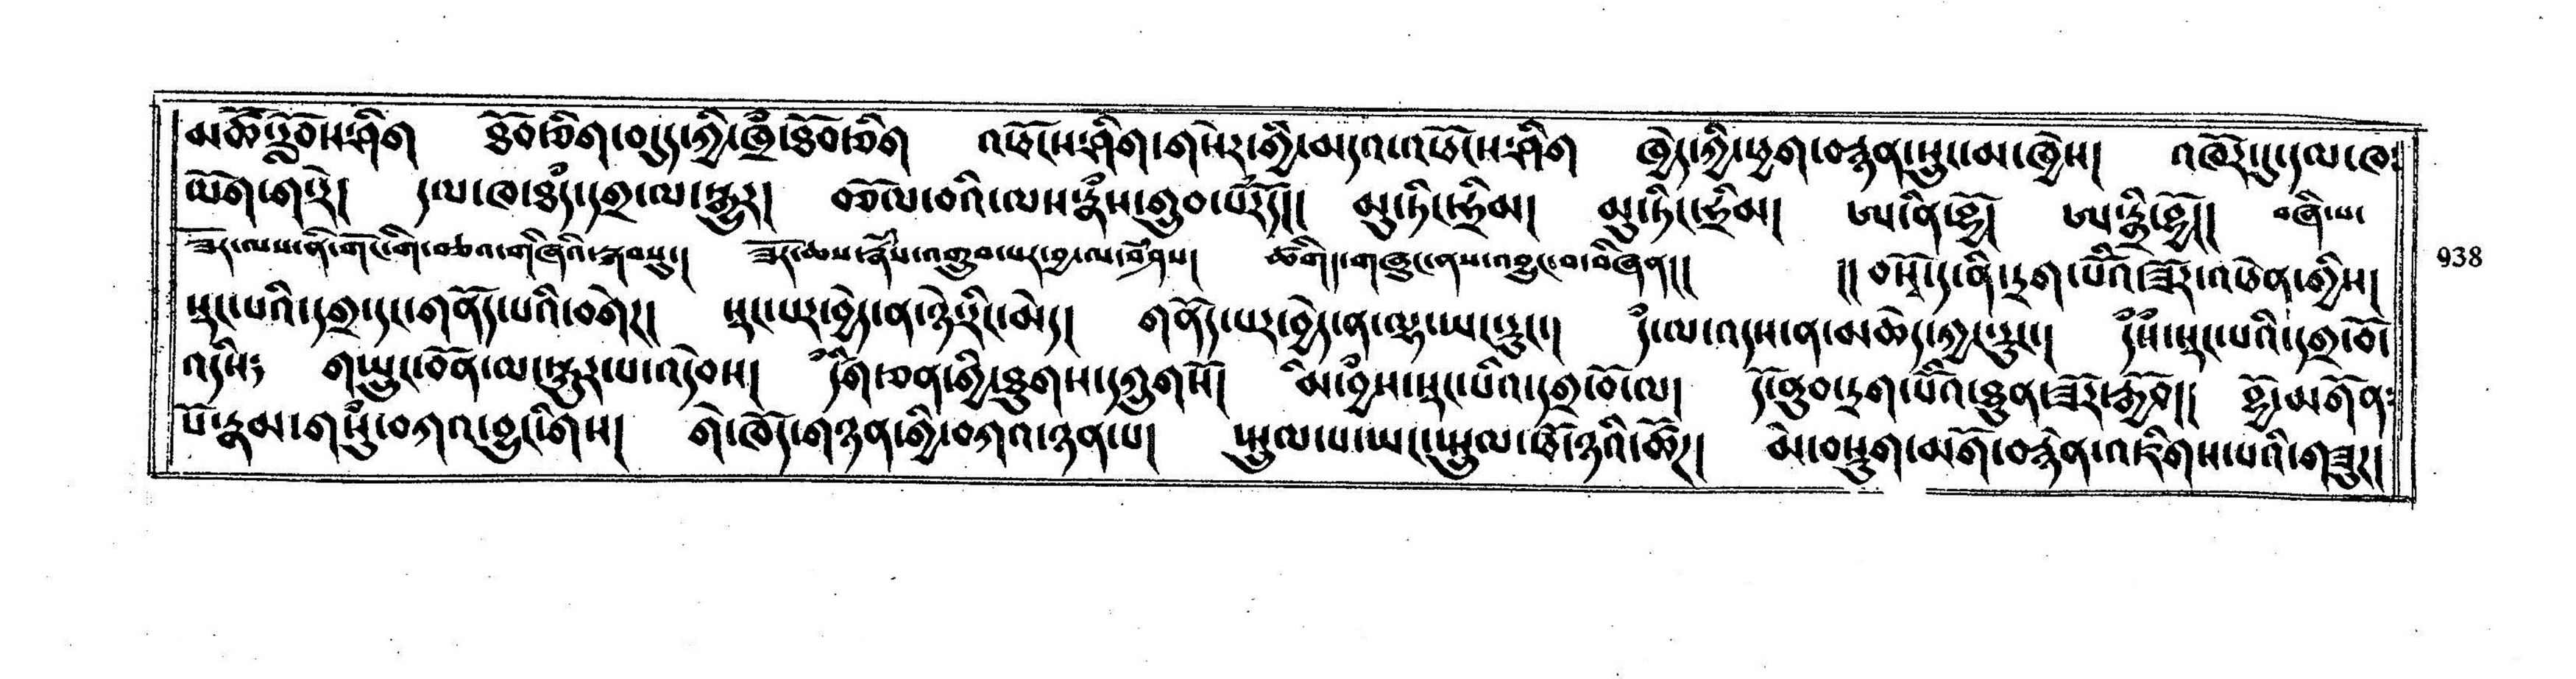མཚོ་རློབས་ཤིག ཐོབ་ཅིག་བདུད་ཀྱི་ཁྲཾ་ཐོབ་ཅིག འཕོངས་ཤིག་གསེར་གྱི་མདའ་འཕོངས་ཤིག ཁྱེད་ཀྱི་ཕྱག་བརྙན་སྲུང་མ་ཁྱེས། འཁོར་དུ་དལ་ཁ་
ལོག་ག་རེ། དལ་ཁ་ཐམས་ཅད་དགྲ་ལ་སྒྱུར། བཅོལ་བའི་ལས་རྣམས་གྲུབ་པར་མཛོད།། མུ་ཏིང་ཧྲིམ། མུ་ཏིང་ཧྲིམ། ཨ་ནི་བྷྱོ། ཨ་རྣྲི་བྷྱོ།། བཞི་པ་
ཟོར་ལས་ནི་གོང་གི་བཅའ་གཞིའི་སྐབས་སུ། ཟོར་ཆས་རྣམས་འགྲུབ་པར་བྱ་ལ་བཤམས། ཚིག་བཤད་གཞུང་ནས་འབྱུང་བ་བཞིན།། །།བསྭོ་ད་ནི་དྲག་པོའི་ཟོར་འཕེན་གྱིས། 
སྡང་པའི་དགྲ་དང་གནོད་པའི་བགེགས། སྡང་པར་བྱེད་ན་ཉེ་རིང་མེད། གནོད་པར་བྱེད་ན་ལྷ་ཡང་རུང་། དམ་ལ་འདས་ན་མཆེད་ཀྱང་རུང་། དམ་ཉམས་སྡང་པའི་དགྲ་བོ་
འདིས། གཡུང་དྲུང་བོན་ལ་སྐུར་པ་འདེབས། དམ་ཚིག་ཅན་གྱི་ཐུགས་དཀྲུགས་སོ། མི་བྱམས་སྡང་པའི་དགྲ་བོ་ལ། དོ་ནུབ་དྲག་པོའི་ཐུན་ཟོར་རྒྱོབ།། བྷྱོ་མགོན་
པོ་རྣམ་གསུམ་བཀའ་བྱུང་གིས། གེ་ཁོད་གཉན་གྱི་བཀའ་ཉན་པ། སྤྲུལ་པ་ཡང་སྤྲུལ་ཕོ་ཉའི་ཚོགས། མེ་བསྡུག་མགོ་བརྙེན་འཇིགས་པའི་གཟུགས།